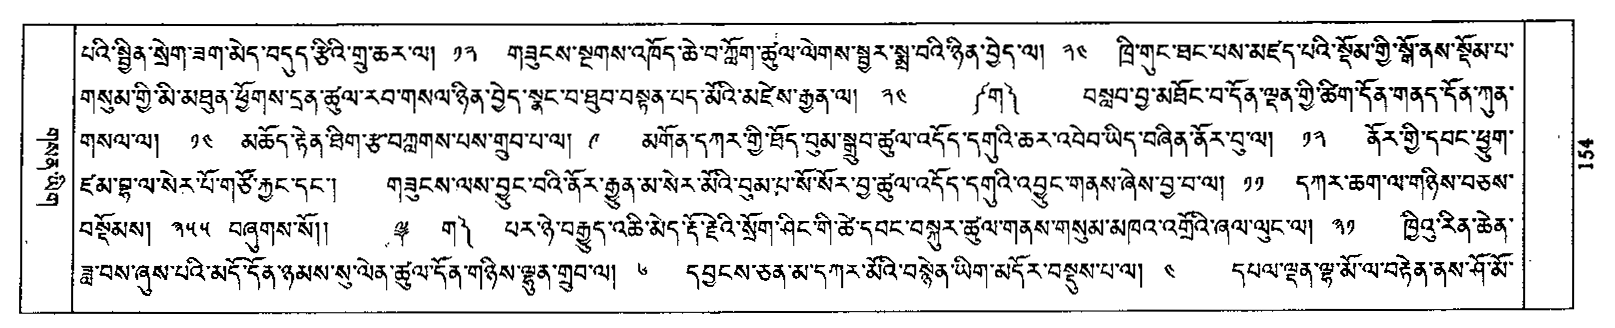པའི་སྦྱིན་སྲེག་ཟག་མེད་བདུད་རྩིའི་གྲུ་ཆར་ལ། ༡༢་གཟུངས་སྔགས་འཁོད་ཆེ་བ་ཀློག་ཚུལ་ལེགས་སྦྱར་སྨྲ་བའི་ཉིན་བྱེད་ལ། ༢༤་ཁྲི་གུང་ཐང་པས་མཛད་པའི་སྡོམ་གྱི་སྒོ་ནས་སྡོམ་པ་
གསུམ་གྱི་མི་མཐུན་ཕྱོགས་དྲན་ཚུལ་རབ་གསལ་ཉིན་བྱེད་སྣང་བ་ཐུབ་བསྟན་པད་མོའི་མཛེས་རྒྱན་ལ། ༢༤་ག྄་བསླབ་བྱ་མཐོང་བ་དོན་ལྡན་གྱི་ཚིག་དོན་གནད་དོན་ཀུན་
གསལ་ལ། ༡༤་མཆོད་རྟེན་ཐིག་རྩ་བཀླགས་པས་གྲུབ་པ་ལ། ༩་མགོན་དཀར་གྱི་ཐོད་བུམ་སྒྲུབ་ཚུལ་འདོད་དགུའི་ཆར་འབེབས་ཡིད་བཞིན་ནོར་བུ་ལ། ༡༢་ནོར་གྱི་དབང་ཕྱུག་
ཛམ་བྷ་ལ་སེར་པོ་གཙོ་རྐྱང་དང་། གཟུངས་ལས་བྱུང་བའི་ནོར་རྒྱུན་མ་སེར་མོའི་བུམ་པ་སོ་སོར་བྱ་ཚུལ་འདོད་དགུའི་འབྱུང་གནས་ཞེས་བྱ་བ་ལ། ༡༡་དཀར་ཆག་ལ་གཉིས་བཅས་
བསྡོམས། ༣༥༥་བཞུགས་སོ།། ༈ ག྄་པར་ཉེ་བརྒྱུད་འཆི་མེད་རྡོ་རྗེའི་སྲོག་ཤིང་གི་ཚེ་དབང་བསྐུར་ཚུལ་གནས་གསུམ་མཁའ་འགྲོའི་ཞལ་ལུང་ལ། ༣༡་ཁྱིའུ་རིན་ཆེན་
ཟླ་བས་ཞུས་པའི་མདོ་དོན་ཉམས་སུ་ལེན་ཚུལ་དོན་གཉིས་ལྷུན་གྲུབ་ལ། ༦་དབྱངས་ཅན་མ་དཀར་མོའི་བསྙེན་ཡིག་མདོར་བསྡུས་པ་ལ། ༤་དཔལ་ལྡན་ལྷ་མོ་ལ་བརྟེན་ནས་ཤོ་མོ་